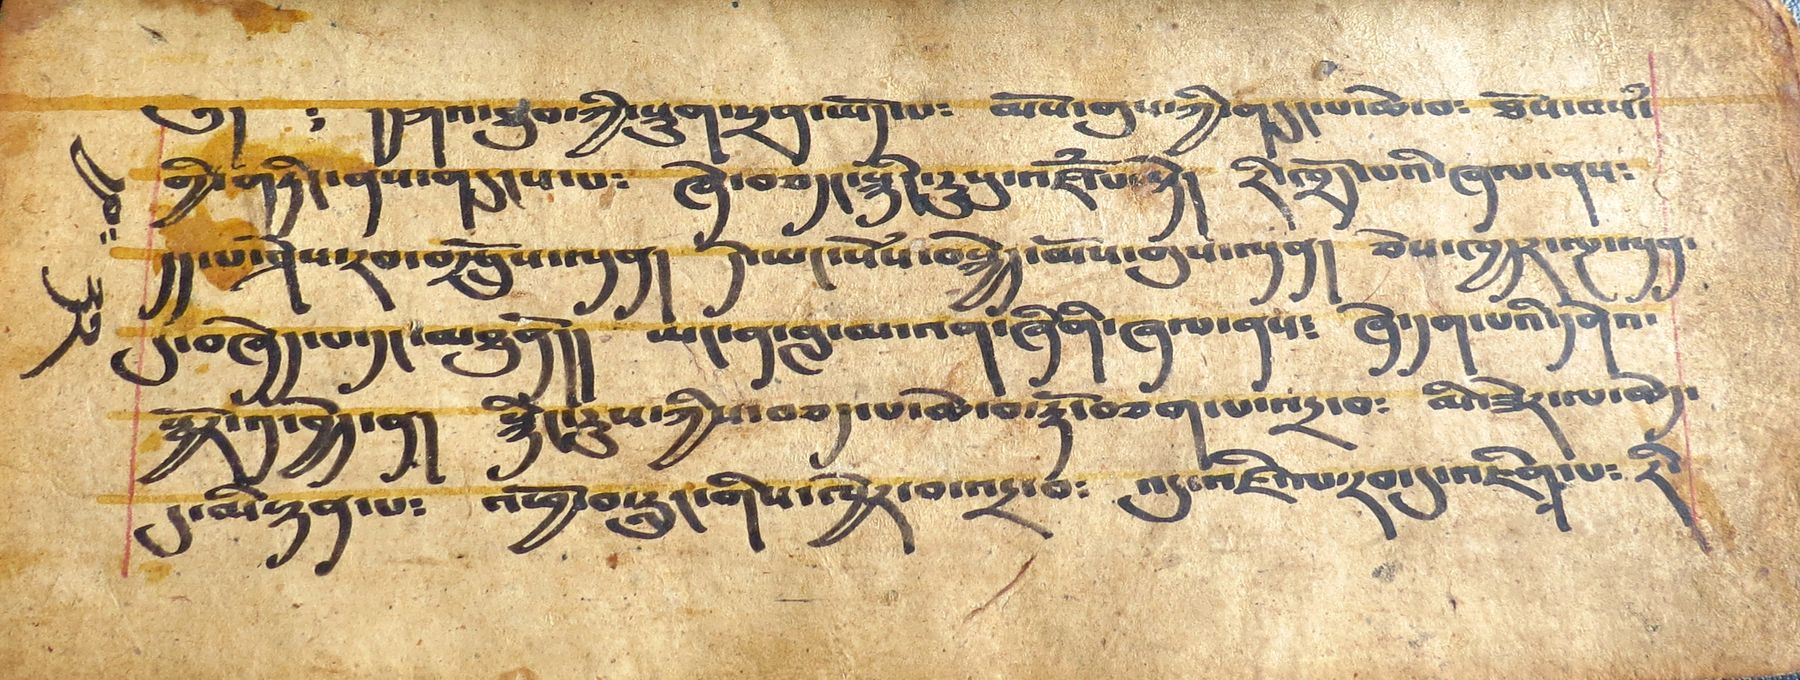དཀའ་ཐུབ་ཀྱི་སྡུག་སྲན་ཡོད་པ། མོས་གུས་ཀྱི་གདུང་བ་ཆེ་བ། ཐོས་བསམ་
གྱི་གཏིང་ནས་གདུང་བས། ཞེ་བཅད་དང་སྙིང་རུས་སུ་འཛོམས་པ་སྟེ། རི་ཁྲོད་པའི་ཞལ་ནས། 
དད་པ་བརྩོན་འགྲུས་ཤེས་རབ་ལྡན། དེ་ཡང་མོས་གུས་སྙིང་རྗེ་ལྡན། ཅེས་ཁྱད་པར་ལྔ་ལྡན་
དུ་བཞེད་པ་དང་མཐུན་ནོ། ཡང་བླ་མ་འགའ་ཞིག་གི་ཞལ་ནས། ཞེ་དག་པའི་དགེ་
སྦྱོར་ཞིག་བྱེད་ན་སྙིང་རུས་དང་ཞེ་བཅད་ཆེ་བ་རྡོ་བཅག་པ་འདྲ་བ། མིས་ཟེར་བ་ལ་ཆེད་
དུ་མི་ཉན་པ་འཕྱོན་མ་རླུང་གིས་ཁྱེར་བ་འདྲ་བ། འདུ་འཛི་ལ་རབ་ཏུ་འཇིགས་པ་རི་